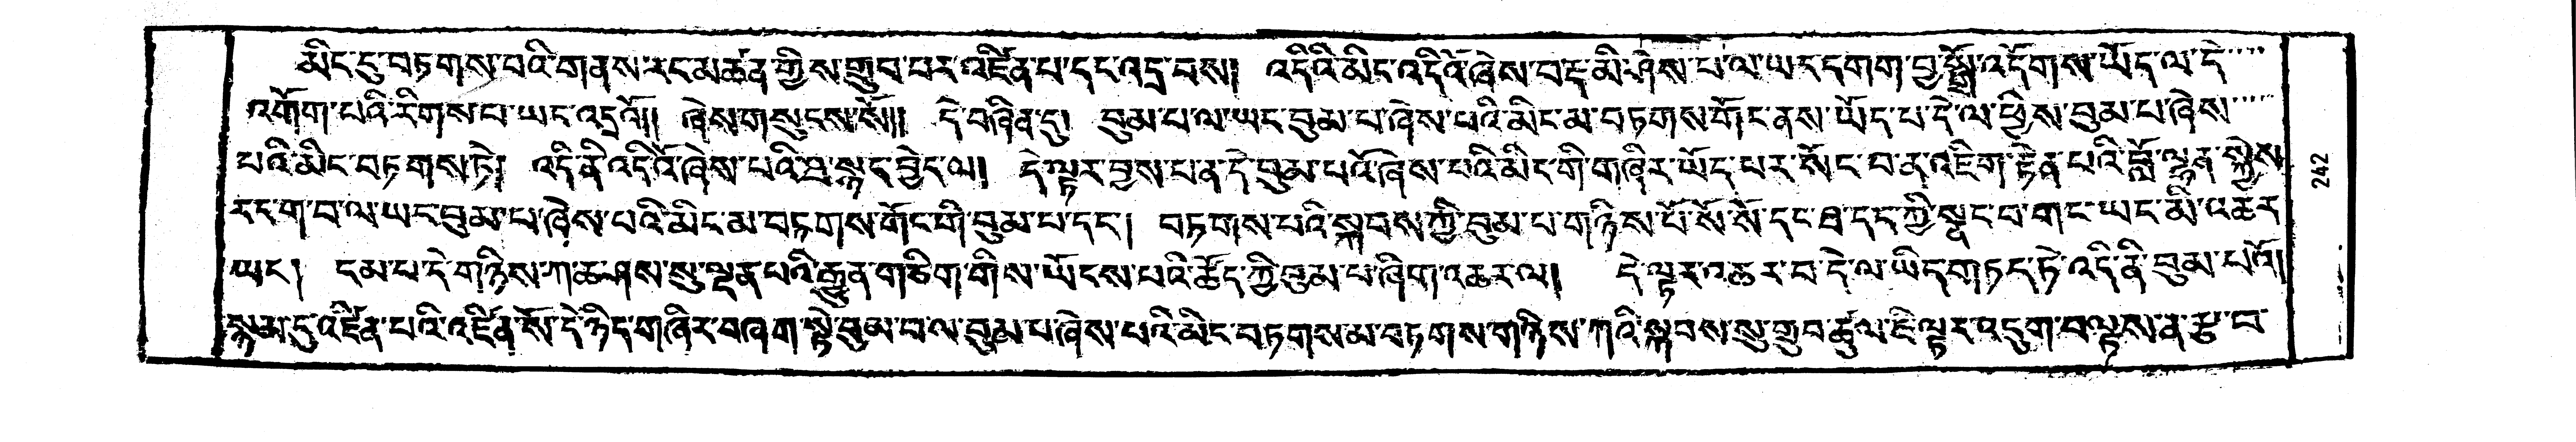མིང་དུ་བཏགས་པའི་གནས་རང་མཚན་གྱིས་གྲུབ་པར་འཛིན་པ་དང་འདྲ་བས། འདིའི་མིང་འདིའོ་ཞེས་བརྡ་མི་ཤེས་པ་ལ་ཡང་དགག་བྱ་སྒྲོ་འདོགས་ཡོད་ལ་དེ་
འགོག་པའི་རིགས་པ་ཡང་འདྲའོ། །ཞེས་གསུངས་སོ། །དེ་བཞིན་དུ། བུམ་པ་ལ་ཡང་བུམ་པ་ཞེས་པའི་མིང་མ་བཏགས་གོང་ནས་ཡོད་པ་དེ་ལ་ཕྱིས་བུམ་པ་ཞེས་
པའི་མིང་བཏགས་ཏེ། འདི་ནི་འདིའོ་ཞེས་པའི་ཐ་སྙད་བྱེད་ལ། དེ་ལྟར་བྱས་པ་ན་དེ་བུམ་པའོ་ཞེས་པའི་མིང་གི་གཞིར་ཡོད་པར་སོང་བ་ན་འཇིག་རྟེན་པའི་བློ་ལྷན་སྐྱེས་
རང་ག་བ་ལ་ཡང་བུམ་པ་ཞེས་པའི་མིང་མ་བཏགས་གོང་གི་བུམ་པ་དང་། བཏགས་པའི་སྐབས་ཀྱི་བུམ་པ་གཉིས་པོ་སོ་སོ་དང་ཐ་དད་ཀྱི་སྣང་བ་གང་ཡང་མི་འཆར་
ཡང་། བུམ་པ་དེ་གཉིས་ཀ་ཆ་ཤས་སུ་ལྡན་པའི་རྒྱུན་གཅིག་གིས་ཡོངས་པའི་ཚོད་ཀྱི་བུམ་པ་ཞིག་འཆར་ལ། དེ་ལྟར་འཆར་བ་དེ་ལ་ཡིད་གཏང་ཏེ་འདི་ནི་བུམ་པའོ།
སྙམ་དུ་འཛིན་པའི་འཛིན་སོ་དེ་ཉིད་གཞིར་བཞག་སྟེ་བུམ་པ་ལ་བུམ་པ་ཞེས་པའི་མིང་བཏགས་མ་བཏགས་གཉིས་ཀའི་སྐབས་སུ་གྲུབ་ཚུལ་ཇི་ལྟར་འདུག་བལྟས་ན་རྩ་བ་